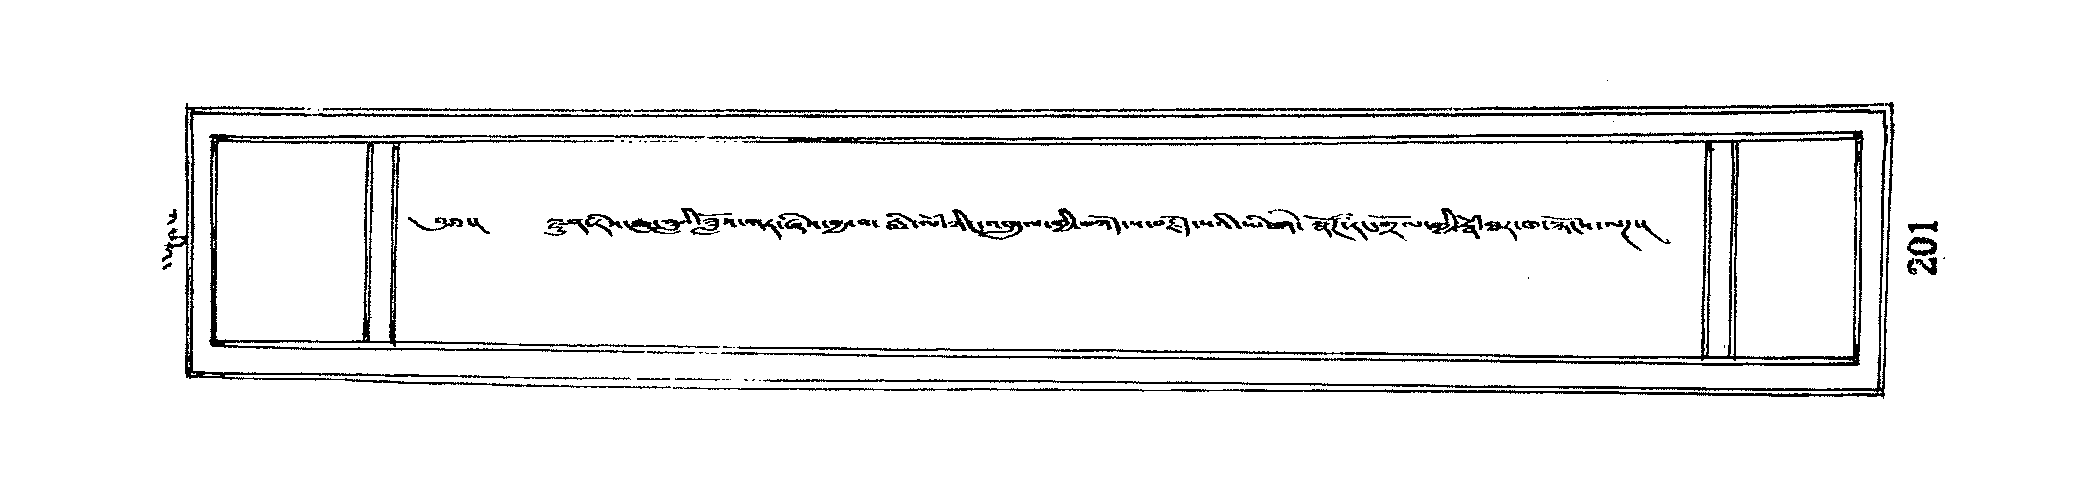༄༅། རྫུན་རིས་ཆུ་ཟླའི་ཟློས་གར་ཞེས་བྱས་བ་རྨི་ལམ་ཉིང་འཁྲུལ་གྱི་བཀོད་པ་བརྗོད་པའི་ཡི་གེ་སྣ་ཚོགས་རང་གྲོལ་གྱི་རྣམ་ཐར་ཁ་སྐོང་ལགས།